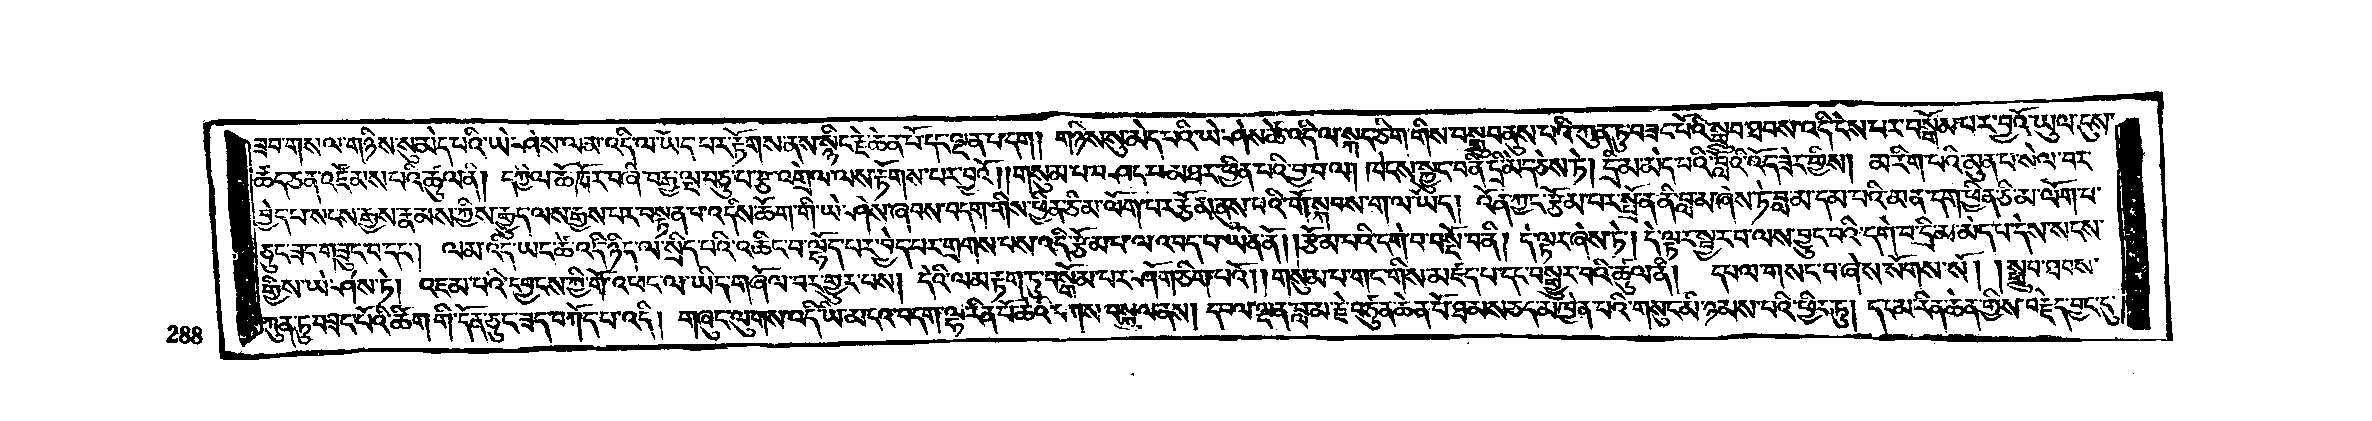ཟབ་གསལ་གཉིས་སུ་མེད་པའི་ཡེ་ཤེས་ལམ་འདི་ལ་ཡོད་པར་རྟོགས་ནས་སྙིང་རྗེ་ཆེན་པོ་དང་ལྡན་པ་དག །གཉིས་སུ་མེད་པའི་ཡེ་ཤེས་ཚེ་འདི་ལ་སྐད་ཅིག་གིས་བསྒྲུབ་ནུས་པའི་ཀུན་ཏུ་བཟང་པོའི་སྒྲུབ་ཐབས་འདི་ངེས་པར་བསྒོམ་པར་བྱའོ་ཡུལ་དུས་
ཚད་ཅན་འཛོམས་པའི་ཚུལ་ནི། དཀྱིལ་ཆོ་ཁོར་བཞི་བརྒྱ་ལྔ་བཅུ་པ་རྩ་འགྲེལ་ལས་རྟོགས་པར་བྱའོ། །གསུམ་པ་བཤད་པ་མཐར་ཕྱིན་པའི་བྱ་བ་ལ། ཁེངས་སྐྱུང་བ་ནི་དྲི་མེད་ཅེས་ཏེ། དྲི་མ་མེད་པའི་བློའི་འོད་ཟེར་གྱིས། མ་རིག་པའི་མུན་པ་སེལ་བར་
བྱེད་པ་སངས་རྒྱས་རྣམས་ཀྱིས་རྒྱུད་ལས་རྒྱས་པར་བསྟན་པ་འདིས་ཆོག་གི་ཡེ་ཤེས་ཞབས་བདག་གིས་ཕྱིན་ཅི་མ་ལོག་པར་རྩོམ་ནུས་པའི་གོ་སྐབས་ག་ལ་ཡོད། འོན་ཀྱང་རྩོམ་པར་སྤྲོ་ན་ནི་བླ་མ་ཞེས་ཏེ་བླ་མ་དམ་པའི་མན་ང་ཕྱིན་ཅི་མ་ལོག་པ་
ཅུང་ཟད་གཟུང་བ་དང་། ལམ་འདི་ཡང་ཚེ་འདི་ཉིད་ལ་སྲིད་པའི་འཆིང་བ་ལྷོད་པར་བྱེད་པར་གྲགས་པས་འདི་རྩོམ་པ་ལ་འབད་པ་ཡིན་ནོ། །རྩོམ་པའི་དགེ་བ་བསྔོ་བ་ནི། །དེ་ལྟར་ཞེས་ཏེ། དེ་ལྟར་སྦྱར་བ་ལས་བྱུང་བའི་དགེ་བ་དྲི་མ་མེད་པ་དེས་སངས་
གྱིས་ཡེ་ཤེས་ཏེ། འཇམ་པའི་དབྱངས་ཀྱི་གོ་འཕང་ལ་ཡིད་གཞོལ་བར་གྱུར་པས། དེའི་ལམ་རྟག་ཏུ་བསྒོམ་པར་ཤོག་ཅིག་པའོ། །གསུམ་པ་གང་གིས་མཛད་པ་དང་བསྒྱུར་བའི་ཚུལ་ནི། དཔལ་གསང་བ་ཞེས་སོགས་སོ། །སྒྲུབ་ཐབས་
ཀུན་ཏུ་བཟང་པོའི་ཚིག་གི་དོན་ཅུང་ཟད་བཀོད་པ་འདི། གཞུང་ལུགས་འདི་ཡི་མངའ་བདག་ལྷ་རིན་པོ་ཆེའི་བཀས་བསྐུལ་ནས། དཔལ་ལྡན་བླ་མ་རྗེ་བཙུན་ཆེན་པོ་ཐམས་ཅད་མཁྱེན་པའི་གསུང་མི་ཉམས་པའི་ཕྱིར་ཏུ། དང?་མ་རིན་ཆེན་གྱིས་བརྗེད་བྱང་དུ་